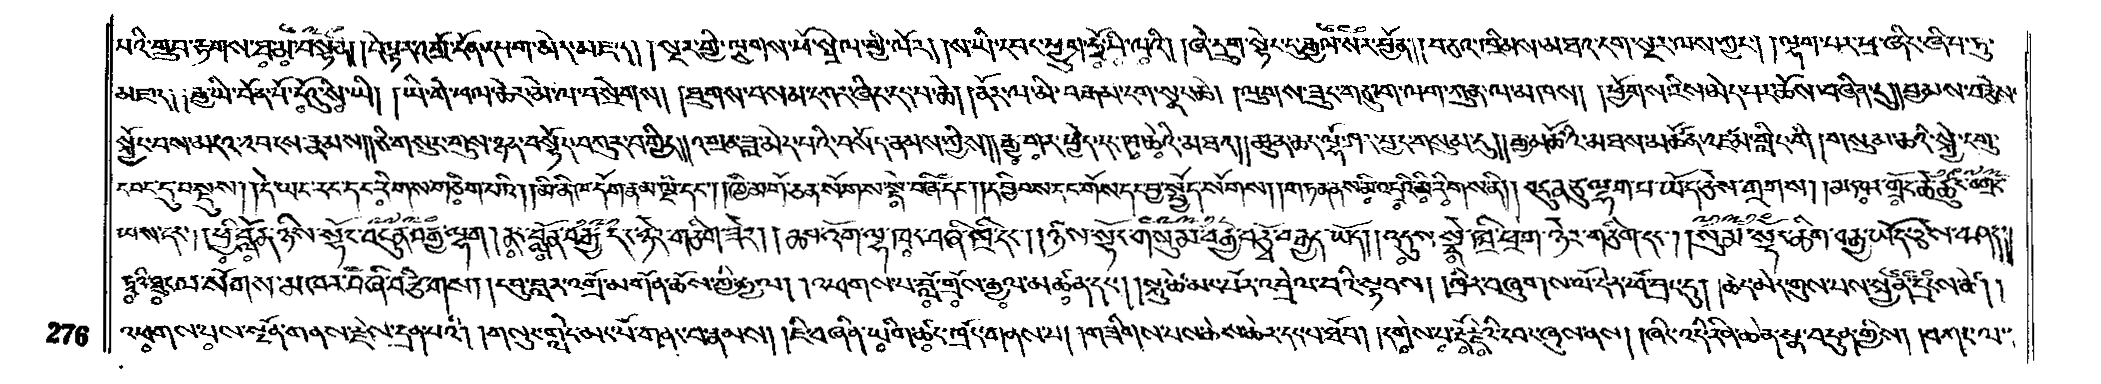པའི་གྲུབ་རྟགས་ཐ་མ་བསྟན། །དེ་ལྟར་འགྲོ་དོན་དཔག་མེད་མཛད། །སྔར་གྱི་ལྕགས་ཕོ་སྤྲེལ་གྱི་ལོར། །ས་ཡི་དབང་ཕྱུག་ཧྲོ་པི་ཁའི། །ཞེ་དྲུག་སྟེང་དུ་རྒྱལ་སར་བྱོན། །བཅའ་ཁྲིམས་མཐའ་དག་སྔར་ལས་ཀྱང་། །ལྷག་པར་ཕྲ་ཞིང་ཞིབ་ཏུ་
མཛད༑ ༑རྒྱ་ཡི་བོན་པོ་དོའུ་སི་ཡི། །ཡི་གེ་ཕལ་ཆེར་མེ་ལ་བསྲེགས། །ཐུགས་བསམ་དཀར་ཞིང་དད་པ་ཆེ། །ནོར་ལ་མི་བརྒམ་ངག་སྣང་ཆེ། །ལུགས་ཟུང་གཙུག་ལག་ཀུན་ལ་མཁས། །ཕྱོགས་རིས་མེད་པར་ཆོས་བཞིན་དུ། །བྱམས་བརྩེས་
སྐྱོང་བས་མདའ་འབངས་རྣམས། །ཅི་གསུང་གུས་ཉན་བསྟོད་བཀུར་བགྱིད། །འགྲན་ཟླ་མེད་པའི་བསོད་ནམས་ཀྱིས། །རྒྱ་གར་ཕྱེད་དང་ཁ་ཆེའི་མཐའ། །ཚུན་ཆད་ལྷོ་ཤར་བྱང་གསུམ་དུ། །རྒྱ་མཚོའི་མཐས་མཚོན་འཛམ་གླིང་གི། །གསུམ་ཆའི་སྐྱེ་དགུ་
དབང་དུ་བསྡུས། །དེ་ཡང་རང་དང་རིགས་གཅིག་པའི། །མི་ནི་ཁ་དོག་རྣམ་ལྔ་དང་། །ཁྱི་མགོ་ཅན་སོགས་སྡེ་བཞི་དང་། །དབྱིབས་དང་གོས་དང་བྱ་སྤྱོད་སོགས། །གཏན་ནས་མི་འདྲའི་མི་རིགས་ནི།།  བདུན་ཅུ་ལྷག་པ་ཡོད་ཅེས་གྲགས། །མཁར་གྲོང་ཆེ་ཆུང་བགྲང་
ཡས་དང་། །ཕྱི་བློན་ཉིས་སྟོང་བདུན་བརྒྱ་ལྷག། ནང་བློན་བརྒྱ་དང་ཉེར་གཅིག་ཟེར། །ཆབ་འོག་ལྷ་ཁང་བཞི་ཁྲི་དང་། །ཉིས་སྟོང་གསུམ་བརྒྱ་བཅྭོ་བརྒྱད་ཡོད། །འདུས་སྡེ་ཁྲི་ཕྲག་ཉེར་གཅིག་དང་། །སུམ་སྡོང་ཆིག་བརྒྱ་ཡོད་ཅེས་བཤད།
ཏཱའི་ཐུང་ལ་སོགས་མཁར་བཞི་བརྩིགས། །དབུ་བླར་འགྲོ་མགོན་ཆོས་ཀྱི་རྒྱལ། །འཕགས་པ་བློ་གྲོས་རྒྱལ་མཚན་དང་། །སྐུ་ཚེ་མང་བོར་འབྲེལ་བའི་སྟབས། །ཁྲིར་བཞུགས་ལོ་དེར་ཕོ་བྲང་དུ། །ཆེད་མེད་གུས་པས་སྤྱན་དྲངས་ཚེ། །
འཕགས་པས་སྔོན་གནས་རྗེས་དྲན་པའི། །གསུང་གླིང་མང་པོ་གནང་བ་རྣམས། །ཇི་བཞིན་ཡིག་ཚང་ཁྲོད་གནས་པ། །གཟིགས་པས་ཆེས་ཆེར་དད་པ་ཐོབ། །དགེས་པ་རྡོ་རྗེའི་དབང་ཞུས་ནས། །ཞིང་འདི་རིན་ཆེན་སྣ་བདུན་གྱིས། །བཀང་ལ་